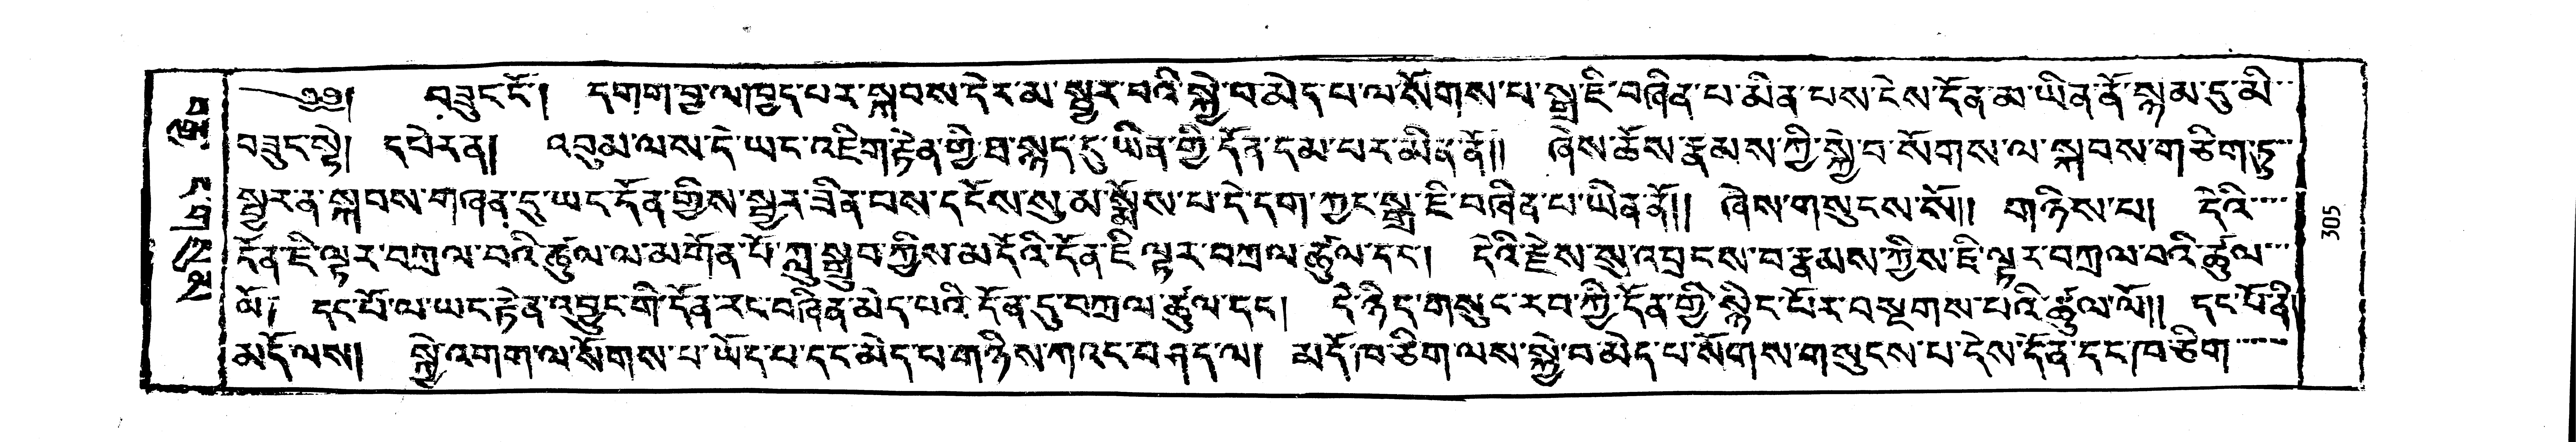༄༅། །བཟུང་ངོ། དགག་བྱ་ལ་ཁྱད་པར་སྐབས་དེར་མ་སྦྱར་བའི་སྐྱེ་བ་མེད་པ་ལ་སོགས་པ་སྒྲ་ཇི་བཞིན་པ་མིན་པས་ངེས་དོན་མ་ཡིན་ནོ་སྙམ་དུ་མི་
བཟུང་སྟེ། དཔེར་ན། འབུམ་ལས་དེ་ཡང་འཇིག་རྟེན་གྱི་ཐ་སྙད་དུ་ཡིན་གྱི་དོན་དམ་པར་མིན་ནོ། །ཞེས་ཆོས་རྣམས་ཀྱི་སྐྱེ་བ་སོགས་ལ་སྐབས་གཅིག་ཏུ་
སྦྱར་ན་སྐབས་གཞན་དུ་ཡང་དོན་གྱིས་སྦྱར་ཟིན་པས་དངོས་སུ་མ་སྨོས་པ་དེ་དག་ཀྱང་སྒྲ་ཇི་བཞིན་པ་ཡིན་ནོ། །ཞེས་གསུངས་སོ། །གཉིས་པ། དེའི་
དོན་ཇི་ལྟར་བཀྲལ་བའི་ཚུལ་ལ་མགོན་པོ་ཀླུ་སྒྲུབ་ཀྱིས་མདོའི་དོན་ཇི་ལྟར་བཀྲལ་ཚུལ་དང་། དེའི་རྗེས་སུ་འབྲངས་བ་རྣམས་ཀྱིས་ཇི་ལྟར་བཀྲལ་བའི་ཚུལ་
ལོ། དང་པོ་ལ་ཡང་རྟེན་འབྱུང་གི་དོན་རང་བཞིན་མེད་པའི་དོན་དུ་བཀྲལ་ཚུལ་དང་། དེ་ཉིད་གསུང་རབ་ཀྱི་དོན་གྱི་སྙིང་པོར་བསྔགས་པའི་ཚུལ་ལོ། །དང་པོ་ནི།
མདོ་ལས། སྐྱེ་འགག་ལ་སོགས་པ་ཡོད་པ་དང་མེད་པ་གཉིས་ཀའང་བཤད་ལ། མདོ་ཁ་ཅིག་ལས་སྐྱེ་བ་མེད་པ་སོགས་གསུངས་པ་དེས་དོན་དང་ཁ་ཅིག་